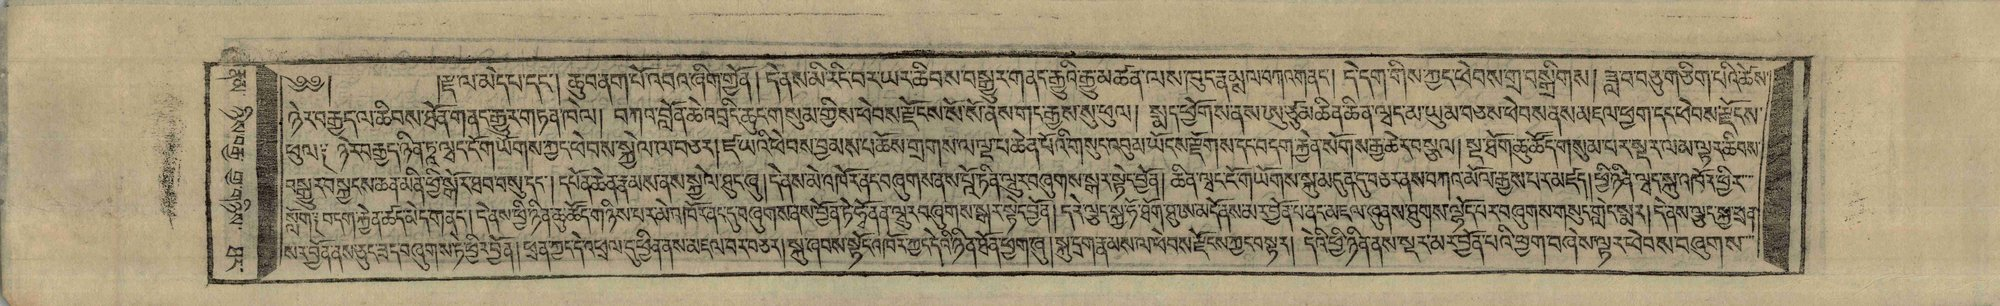༄༅། །རྫ་ལ་མེད་པ་དང་། ཆུབ་ནག་པོ་འབའ་ཞིག་གྱོན། དེ་ནས་མི་རིང་བར་ཡར་ཆིབས་བསྒྱུར་གནང་རྒྱུའི་རྒྱུ་མཚན་ལས་ཁུང་རྣམས་ལ་བཀའ་གནང་། དེ་དག་གིས་ཀྱང་ཕེབས་གྲ་བསྒྲིགས། ཟླ་བ་བཅུ་གཅིག་པའི་ཚེས་
ཉེར་བརྒྱད་ལ་ཆིབས་ཐོན་གནང་རྒྱུར་གཏན་ཁེལ། བཀའ་བློན་ཆེ་འབྲིང་ཆུང་གསུམ་གྱིས་ཕེབས་རྫོངས་སོ་སོ་ནས་གང་རྒྱས་སུ་ཕུལ། སྨད་ཕྱོགས་ནས་ཨུ་ཙུམ་ཆིན་ཆིན་ལྭར་མ་ཡུམ་བཅས་ཕེབས་ནས་མཇལ་ཕྱག་དང་ཕེབས་རྫོངས་
ཕུལ༑ ཉེར་བརྒྱད་ཉིན་ཏཱ་ལྭང་ངོ་གཡོགས་ཀྱང་ཕེབས་སྐྱེལ་ལ་བཅར། ཛ་ཡའི་ཕེབས་བྱམས་པ་ཆོས་གྲགས་ལ་ལྔ་པ་ཆེན་པོའི་གསུང་འབུམ་ཡོངས་རྫོགས་དང་བདག་རྐྱེན་སོགས་རྒྱ་ཆེར་བསྩལ། སྔ་ཐོག་ཆུ་ཚོད་གསུམ་པར་སྔར་ལམ་ལྟར་ཆིབས་
བསྒྱུར་བསྐྱངས་ཆན་མིན་ཕྱི་སྒོར་ཐབ་བསུ་དང་། དཔོན་ཆེན་རྣམས་ནས་སྐྱེལ་ཐུང་ཞུ། དེ་ནས་མེ་འཁོར་ནང་བཞུགས་ནས་པO་ཏིན་ཝུར་བཞུགས་སྒར་སྟེང་བྱོན། ཆིན་ཝང་ངོ་གཡོགས་སྐུ་མདུན་དུ་བཅར་ནས་བཀའ་མོལ་རྒྱས་པར་མཛད། ཕྱི་ཉིན་ཝང་སྐུ་འཁོར་ཕྱིར་
སློག ༑བདག་རྐྱེན་ཚད་མེད་གནང་། དེ་ནས་ཕྱི་ཉིན་ཆུ་ཚོད་གཉིས་པར་མེ་འཁོར་ནང་དུ་བཞུགས་ནས་བྱོན་ཏེ་ཧྭོ་ནན་ཝུར་བཞུགས་སྒར་སྟེང་བྱོན། དེར་ལྕང་སྐྱ་ཧོ་ཐོག་ཐུ་ཨ་མདོ་ནས་མར་བྱོན་པ་ནང་མཇལ་ཞུ་ནས་ཐུགས་ལྷོད་པར་བཞུགས་གསུང་གླེང་སྨར། དེ་ནས་ལྕང་སྐྱ་ཕྲན་
སར་བྱོན་ནས་ཅུང་ཟད་བཞུགས་ཏེ་ཕྱིར་བྱོན། ཕྲན་ཀྱང་དེ་འཕྲལ་དུ་ཕྱིན་ནས་མཇལ་བར་བཅར། སྐུ་ཞབས་སྟོང་འཁོར་ཀྱང་དེའི་ཉིན་ཐོན་ཕྱག་ཞུ། སྐུ་དྲག་རྣམས་ལ་ཕེབས་རྫོངས་ཀྱང་བསྟར། དེའི་ཕྱི་ཉིན་ནས་སྔར་མར་བྱོན་པའི་ཕྱག་བཞེས་ལྟར་ཕེབས་བཞུགས་